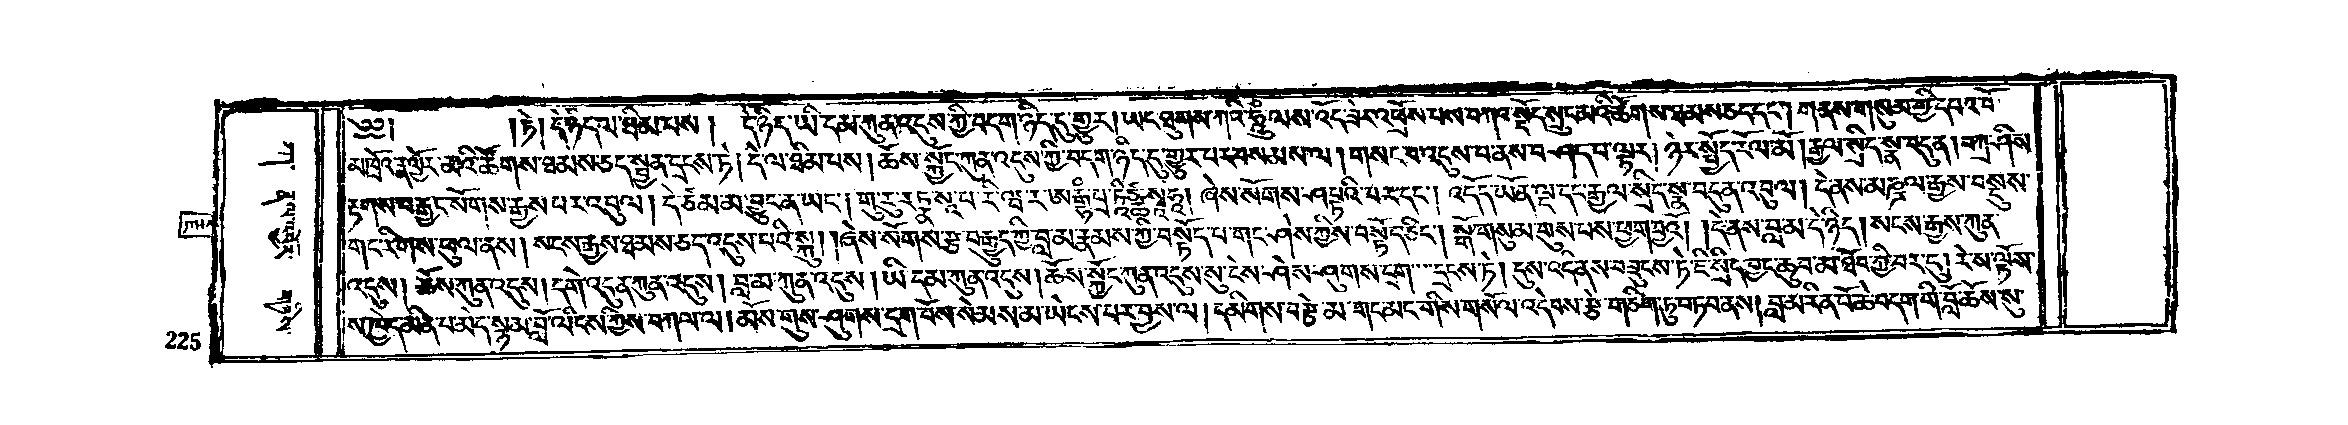༄༅། །ཏེ། དེ་ཉིད་ལ་ཐིམ་པས། དེ་ཉིད་ཡི་དམ་ཀུན་འདུས་ཀྱི་བདག་ཉིད་དུ་གྱུར། ཡང་ཐུགས་ཀའི་ཧཱུཾ་ལས་འོད་ཟེར་འཕྲོས་པས་བཀའ་སྡོད་སྲུང་མའི་ཚོགས་ཐམས་ཅད་དང་། གནས་གསུམ་གྱི་དཔའ་བོ་
མཁྲོའ་རྣལ་འབྱོར་མའི་ཚོགས་ཐམས་ཅད་སྤྱན་དྲངས་ཏེ། དེ་ལ་ཐིམ་པས། ཆོས་སྐྱོང་ཀུན་འདུས་ཀྱི་བདག་ཉིད་དུ་གྱུར་པར་བསམས་ལ། གསང་བ་འདུས་པ་ནས་བཤད་པ་ལྟར། ཉེར་སྤྱོད་རོལ་མོ། རྒྱལ་སྲིད་སྣ་བདུན། བཀྲ་ཤིས་
རྟགས་བརྒྱད་སོགས་རྒྱས་པར་འབུལ། དེ་ཙམ་མ་བྱུང་ན་ཡང་། གུ་རུ་རྟྣ་སཱ་པ་རི་ཝ་ར་ཨརྒྷཾ་པྲ་ཏཱི་ཙྪ་སྭཱ་ཧཱ། ཞེས་སོགས་ཤཔྟའི་པར་དང་། འདོད་ཡོན་ལྔ་དང་རྒྱལ་སྲིད་སྣ་བདུན་འབུལ། དེ་ནས་མཎྜལ་རྒྱས་བསྡུས་
གང་རིགས་ཕུལ་ནས། སངས་རྒྱས་ཐམས་ཅད་འདུས་པའི་སྐུ། །ཞེས་སོགས་རྩ་བརྒྱུད་ཀྱི་བླ་མ་རྣམས་ཀྱི་བསྟོད་པ་གང་ཤེས་ཀྱིས་བསྟོད་ཅིང་། སྒོ་གསུམ་གུས་པས་ཕྱག་བྱའོ། །དེ་ནས་བླ་མ་དེ་ཉིད། སངས་རྒྱས་ཀུན་
འདུས། ཆོས་ཀུན་འདུས། དགེ་འདུན་ཀུན་འདུས། བླ་མ་ཀུན་འདུས། ཡི་དམ་ཀུན་འདུས། ཆོས་སྐྱོང་ཀུན་འདུས་སུ་ངེས་ཤེས་ཤུགས་དྲག་དྲངས་ཏེ། དུས་འདི་ནས་བཟུངས་ཏེ་ཇི་སྲིད་བྱང་ཆུབ་མ་ཐོབ་ཀྱི་བར་དུ། རེ་ས་ལྟོས་
ས་ཁྱེད་མིན་པ་མེད་སྙམ་བློ་ལིངས་ཀྱིས་བཀལ་ལ། མོས་གུས་ཤུགས་དྲག་པོས་སེམས་མ་ཡེངས་པར་བྱས་ལ། དམིགས་བརྩེ་མ་གང་མང་གིས་གསོལ་འདེབས་རྩེ་གཅིག་ཏུ་བཏབ་ནས། བླ་མ་རིན་པོ་ཆེ་བདག་གི་བློ་ཆོས་སུ་